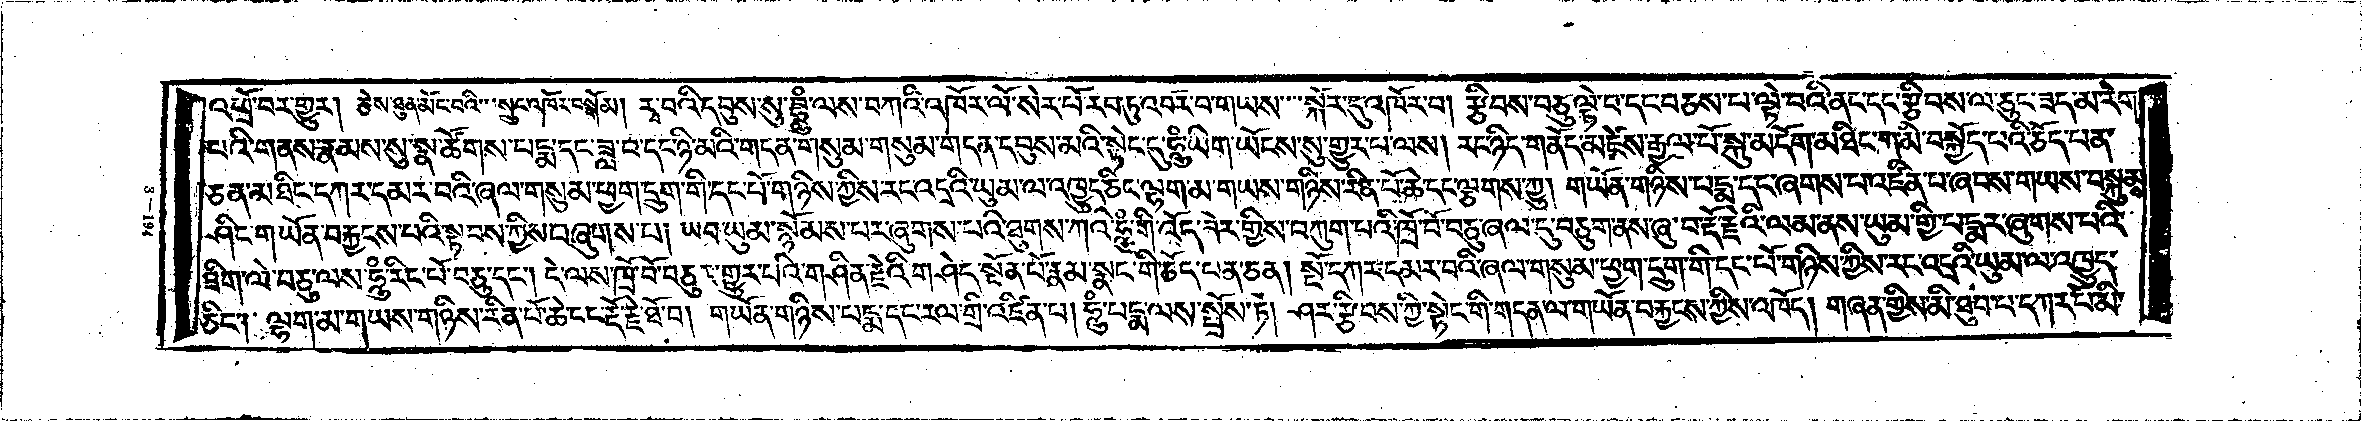འཕྲོ་བར་གྱུར། ཅེས་ཐུན་མོང་བའི་སྲུང་འཁོར་བསྒོམ། རྭ་བའི་དབུས་སུ་བྷཱུཾ་ལས་བཀའི་འཁོར་ལོ་སེར་པོ་རབ་ཏུ་འབར་བ་གཡས། སྐོར་དུ་འཁོར་བ། རྩིབས་བཅུ་ལྟེ་བ་དང་བཅས་པ་ལྟེ་བའི་ནང་དང་རྩིབས་ལ་ཅུང་ཟད་མ་རེག་
པའི་གནས་རྣམས་སུ་སྣ་ཚོགས་པདམ་དང་ཟླ་བ་དང་ཉི་མའི་གདན་གསུམ་གསུམ་གདན་དབུས་མའི་སྟེང་དུ་ཧཱུཾ་ཡིག་ཡོངས་སུ་གྱུར་པ་ལས། རང་ཉིད་གནོད་མཛས་རྒྱལ་པོ་སྐུ་མདོག་མཐིང་ཀ་མི་བསྐྱོད་པའི་ཅོད་པན་
ཅན་མཐིང་དཀར་དམར་བའི་ཞལ་གསུམ་ཕྱག་དྲུག་གི་དང་པོ་གཉིས་ཀྱིས་རང་འདྲའི་ཡུམ་ལ་འཁྱུད་ཅིང་ལྷག་མ་གཡས་གཉིས་རིན་པོ་ཆེ་དང་ལྕགས་གྱུ། གཡོན་གཉིས་པདམ་དང་ཞགས་པ་འཛིན་པ་ཞབས་གཡས་བསྐུམ་
ཤིང་གཡོན་བརྐྱངས་པའི་སྟབས་ཀྱིས་བཞུགས་པ། ཡབ་ཡུམ་སྙོམས་པར་ཞུགས་པའི་ཐུགས་ཀའི་ཧཱུཾ་གི་འོད་ཟེར་གྱིས་བཀུག་པའི་ཁྲོ་བོ་བཅུ་ཞལ་དུ་བཅུག་ནས་ཞུ་བ་རྡོ་རྗེའི་ལམ་ནས་ཡུམ་གྱི་པདམར་ཞུགས་པའི་
ཐིག་ལེ་བཅུ་ལས་ཧཱུཾ་རིང་པོ་བཅུ་དང་། དེ་ལས་ཁྲོ་བོ་བཅུར་གྱུར་པའི་གཤིན་རྗེའི་གཤེད་སྔོན་པོ་རྣམ་སྣང་གི་ཅོད་པཎ་ཅན། སྔོ་དཀར་དམར་བའི་ཞལ་གསུམ་ཕྱག་དྲུག་གི་དང་པོ་གཉིས་ཀྱིས་རང་འདྲའི་ཡུམ་ལ་འཁྱུད་
ཅིང་། ལྷག་མ་གཡས་གཉིས་རིན་པོ་ཆེ་དང་རྡོ་རྗེ་ཐོ་བ། གཡོན་གཉིས་པདམ་དང་རལ་གྲི་འཛིན་པ། ཧཱུཾ་པདམ་ལས་སྤྲོས་ཏེ། ཤར་རྩིབས་ཀྱི་སྟེང་གི་གདན་ལ་གཡོན་བརྐྱངས་ཀྱིས་འཁོད། གཞན་གྱི་སྨི་ཐུབ་པ་དཀར་པོ་མི་